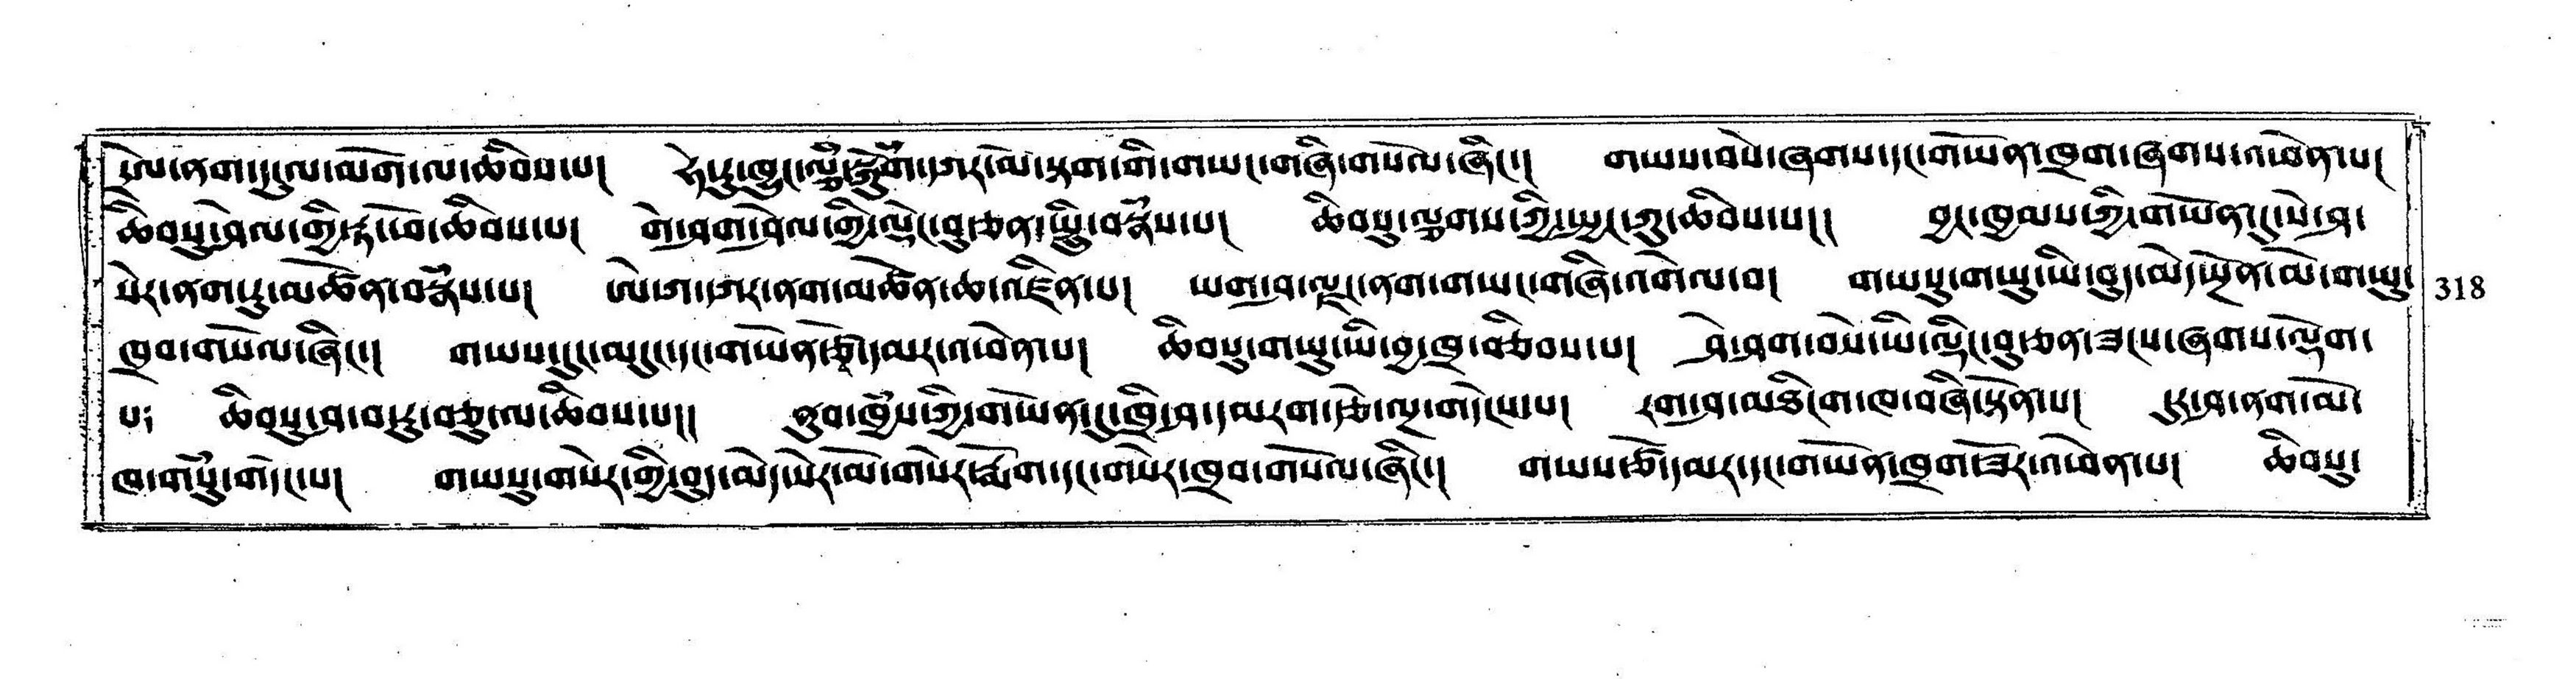དྲེལ་ནག་དངུལ་མགོ་ལ་ཆིབས་པ། ཧེ་རུ་ཁྱུང་ལྕམ་སྐུ་མདོག་དཀར་མོ་སྟག་གི་གཡང་གཞི་གསོལ་ཞིང་། གཡས་བསེ་ཞགས་དང་གཡོན་ཁྲག་ཞགས་འཕེན་པ། 
ཆིབས་སུ་ཤེལ་གྱི་རྟ་ཕོ་ཆིབས་པ། གེ་ཤག་ཤེལ་གྱི་ལྡེང་བུ་ཅན་སྤུ་གྲི་བསྣམས་པ། ཆིབས་སུ་ལྕགས་ཀྱི་སྤྱང་ཀུ་ཆིབས་པ། བྱང་ཁྱམས་ཀྱི་གཡོན་དུ་སེ་ཤ་
སེར་ནག་རུ་མཚོན་བསྣམས་པ། ཨེ་ཀ་དཀར་ནག་མཚོན་ཆ་འཛིན་པ། ཡག་ཤ་ལྗང་ནག་གཡང་གཞི་འགེལ་བ། གཡས་སུ་གཡུ་ཡི་བུད་མེད་སྔོན་མོ་གཡུ་
ཁྲབ་གསོལ་ཞིང་། གཡས་དུང་མདུང་དང་གཡོན་ཙྭོ་དམར་འཕེན་པ། ཆིབས་སུ་གཡུ་ཡི་བྱ་ཁྲ་བཅིབས་པ། ཤེ་ཤག་བསེ་ཡི་ལྡིང་བུ་ཅན་ཟངས་ཞགས་ལྡོག་
པ། ཆིབས་སུ་ཤ་བ་རུ་བཅུ་ལ་ཆིབས་པ།། ནུབ་ཁྱམས་ཀྱི་གཡོན་དུ་ཁྲི་ཤ་དམར་ནག་རྩེ་ལྔ་གདེངས་པ། རག་ཤ་མཐིང་ནག་ཁ་བཞི་སྟོན་པ། དུར་ཤ་ནག་མོ་
ཁ་གསུམ་གདེང་པ། གཡས་སུ་གསེར་གྱི་བུད་མེད་སེར་མོ་གསེར་རྨོག་དང་གསེར་ཁྲབ་གསོལ་ཞིང་། གཡས་ཙོ་དམར་དང་གཡོན་ཁྲག་ཟོར་འཕེན་པ། ཆིབས་སུ་